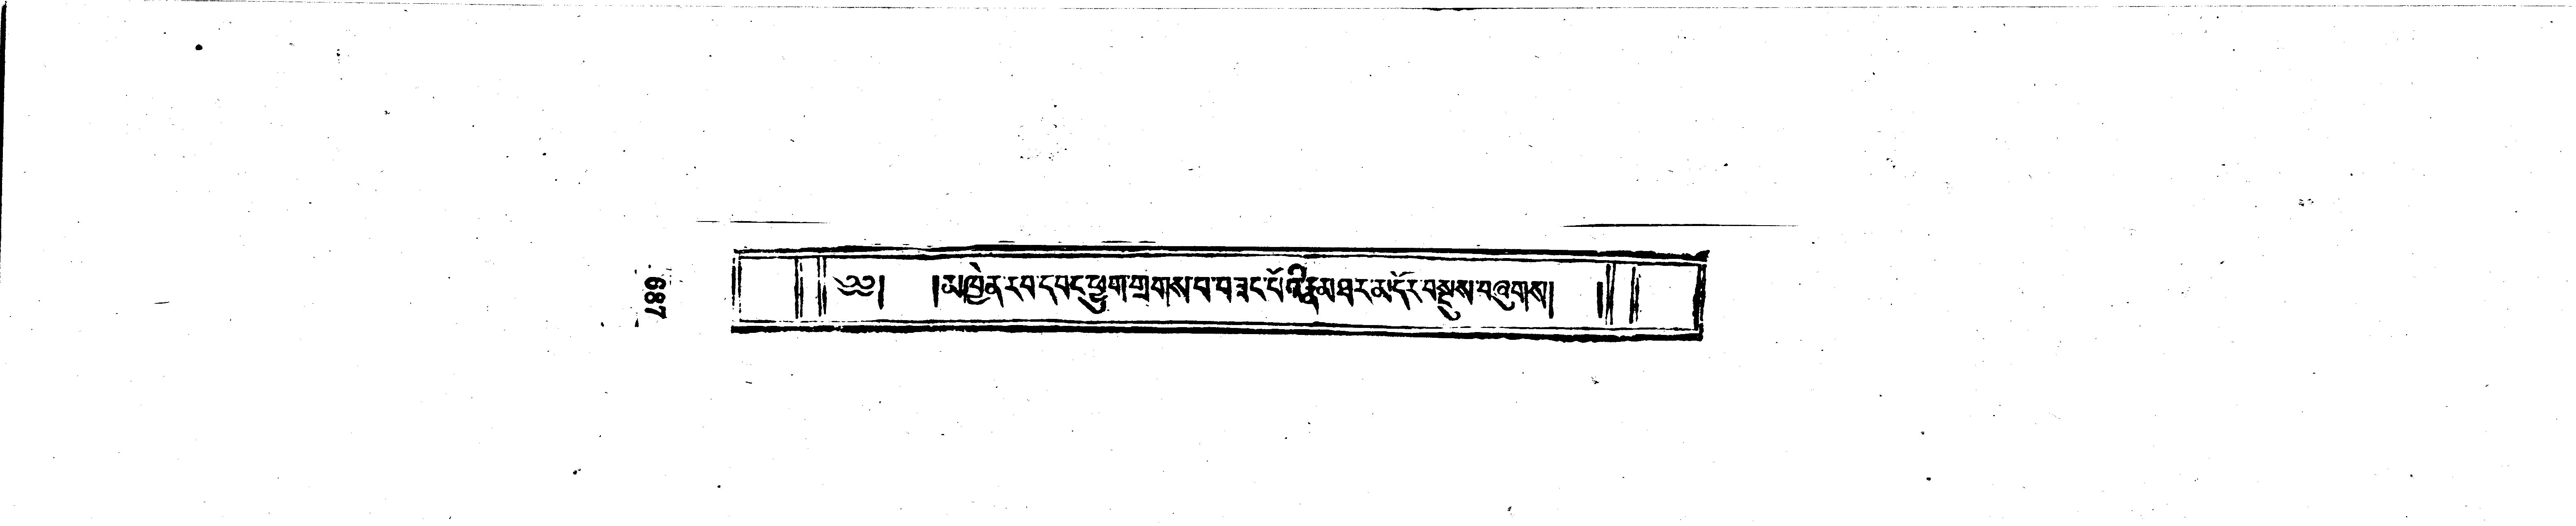༄༅། །མཁྱེན་རབ་དབང་ཕྱུག་གྲགས་པ་བཟང་པོའི་རྣམ་ཐར་མདོར་བསྡུས་བཞུགས། །